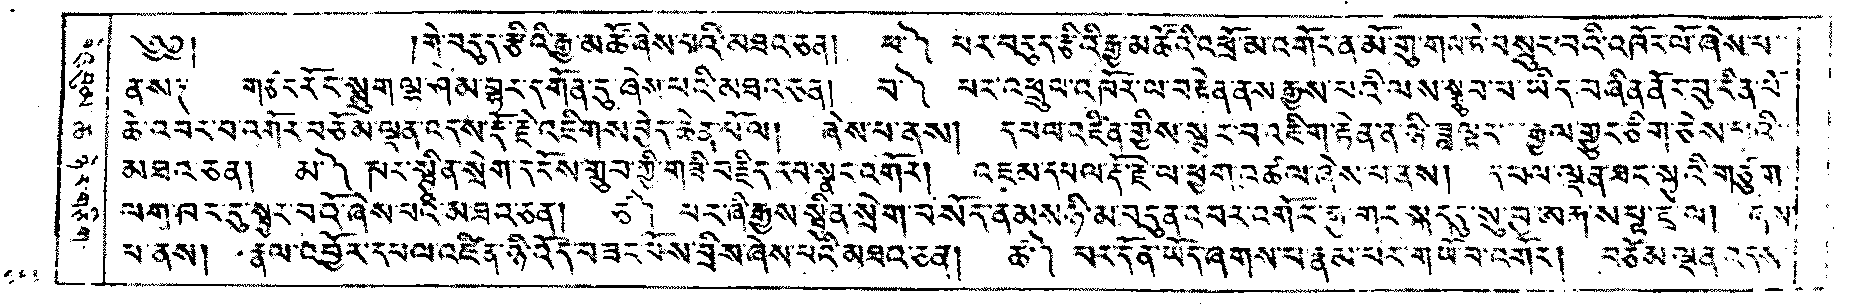༄༅། །གེ་བདུད་རྩིའི་རྒྱ་མཚོ་ཞེས་པའི་མཐའ་ཅན། ཕ྄་པར་བདུད་རྩིའི་རྒྱ་མཚོའི་འཕྲོ་མ་འགོར་ན་མོ་གུ་གལ་ཏེ་བསྲུང་བའི་འཁོར་ལོ་ཞེས་པ་
ནས། གཙང་རོང་སྨུག་ལྷ་ཤམ་བྷར་དགོན་དུ་ཞེས་པའི་མཐའ་ཅན། བ྄་པར་འཕྲུལ་འཁོར་ལ་བརྟེན་ནས་རྒྱས་པའི་ལས་སྒྲུབ་པ་ཡིད་བཞིན་ནོར་བུ་རིན་པོ་
ཆེ་འབར་བ་འགོར་བཅོམ་ལྡན་འདས་རྡོ་རྗེ་འཇིགས་བྱེད་ཆེན་པོ་ལ། ཞེས་པ་ནས། དཔལ་འཛིན་གྱིས་སྦྱར་བ་འཇིག་རྟེན་ན་ཉི་ཟླ་ལྟར་རྒྱལ་གྱུར་ཅིག་ཅེས་པའི་
མཐའ་ཅན། མ྄་།པར་སྦྱིན་སྲེག་དངོས་གྲུབ་ཀྱི་གཟི་བརྗིད་རབ་སྣང་འགོར། འཇམ་དཔལ་རྡོ་རྗེ་ལ་ཕྱག་འཚལ་ཞེས་པ་ནས། དཔལ་ལྡན་ཐང་སྐྱའི་གཙུག་
ལག་ཁང་དུ་སྦྱར་བའོ་ཞེས་པའི་མཐའ་ཅན། ཙ྄་པར་ཞི་རྒྱས་སྦྱིན་སྲེག་བསོད་ནམས་ཉི་མ་བདུན་འབར་འགོར་རྒྱ་གར་སྐད་དུ་སུ་བྱ་ཨརྐ་སཔྟ་ཛྲ་ལ། ཞེས་
པ་ནས། རྣལ་འབྱོར་དཔལ་འཛིན་ཉི་འོད་བཟང་པོས་བྲིས་ཞེས་པའི་མཐའ་ཅན། ཚ྄་པར་དོན་ཡོད་ཞགས་པ་རྣམ་པར་གཡོ་བ་འགོར། བཅོམ་ལྡན་འདས་